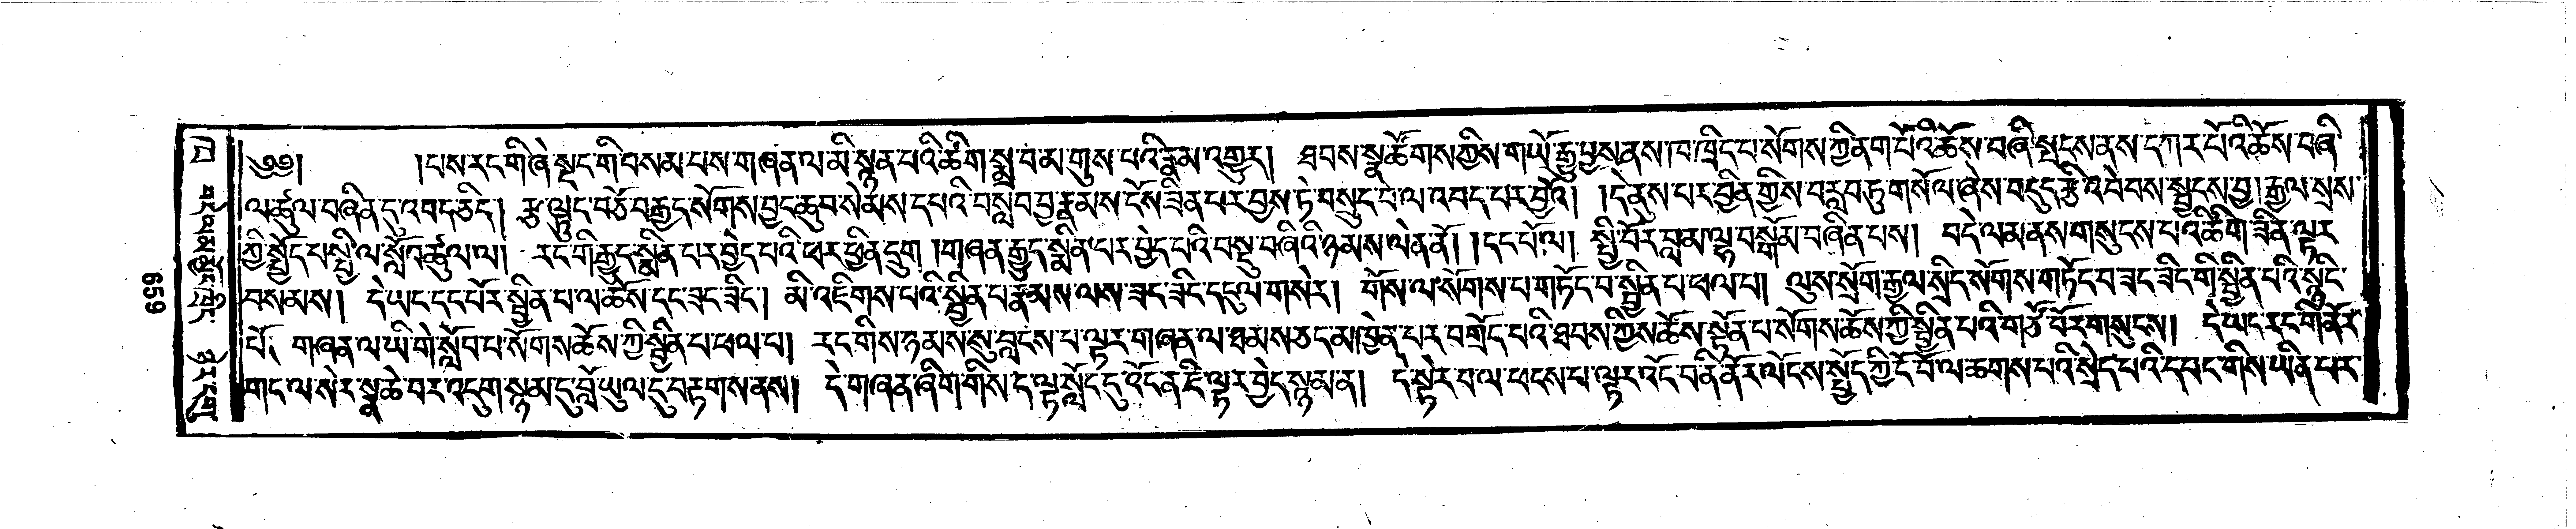༄༅། །པས་རང་གི་ཞེ་སྡང་གི་བསམ་པས་གཞན་ལ་མི་སྙན་པའི་ཚིག་སྨྲ་བ་གུས་པའི་རྣམ་འགྱུར། ཐབས་སྣ་ཚོགས་ཀྱིས་གཡོ་རྒྱུ་བྱས་ནས་ཁ་ཁྲིད་པ་སོགས་ཀྱི་ནག་པོའི་ཆོས་བཞི་སྤངས་ནས་དཀར་པོའི་ཆོས་བཞི་
ལ་ཚུལ་བཞིན་དུ་འབད་ཅིང་། རྩ་ལྟུང་བཅོ་བརྒྱད་སོགས་བྱང་ཆུབ་སེམས་དཔའི་བསླབ་བྱ་རྣམས་ངོས་ཟིན་པར་བྱས་ཏེ་བསྲུང་བ་ལ་འབད་པར་བྱའོ། །དེ་ནུས་པར་བྱིན་གྱིས་བརླབ་ཏུ་གསོལ་ཞེས་བདུད་རྩི་འབེབས་སྦྱངས་བྱ། རྒྱལ་སྲས་
ཀྱི་སྤྱོད་པ་སྤྱི་ལ་སློབ་ཚུལ་ལ། རང་གི་རྒྱུད་སྨིན་པར་བྱེད་པའི་ཕར་ཕྱིན་དྲུག །གཞན་རྒྱུད་སྨིན་པར་བྱེད་པའི་བསྡུ་བཞིའི་ཉམས་ལེན་ནོ། །དང་པོ་ལ། སྤྱི་བོར་བླ་མ་ལྷ་བསྒོམ་བཞིན་པས། བདེ་ལམ་ནས་གསུངས་པའི་ཚིག་ཟིན་ལྟར་
བསམས། དེ་ཡང་དང་པོར་སྤྱིན་པ་ལ་ཆོས་དང་ཟང་ཟིང་། མི་འཇིགས་པའི་སྤྱིན་པ་རྣམས་ལས་ཟང་ཟིང་དངུལ་གསེར། གོས་ལ་སོགས་པ་གཏོང་བ་སྤྱིན་པ་ཕལ་པ། ལུས་སྲོག་རྒྱལ་སྲིད་སོགས་གཏོང་བ་ཟང་ཟིང་གི་སྦྱིན་པའི་སྙིང་
པོ༑ གཞན་ལ་ཡི་གེ་སློབ་པ་སོགས་ཆོས་ཀྱི་སྤྱིན་པ་ཕལ་པ། རང་གིས་ཉམས་སུ་བླངས་པ་ལྟར་གཞན་ལ་ཐམས་ཅད་མཁྱེན་པར་བགྲོད་པའི་ཐབས་ཀྱིས་ཆོས་སྟོན་པ་སོགས་ཆོས་ཀྱི་སྦྱིན་པའི་གཙོ་བོར་གསུངས། དེ་ཡང་རང་གི་ནོར་
གང་ལ་སེར་སྣ་ཆེ་བར་འདུག་སྙམ་དུ་བློ་ཡུལ་དུ་བརྟགས་ནས། དེ་གཞན་ཞིག་གིས་དེ་ལྟ་སློང་དུ་འོང་ན་ཇི་ལྟར་བྱེད་སྙམ་ན། དེ་སྟེར་བ་ལ་ཕངས་པ་ལྟར་འོང་བ་ནི་ནོར་ལོངས་སྤྱོད་ཀྱི་ངོ་བོ་ལ་ཆགས་པའི་སྲེད་པའི་དབང་གིས་ཡིན་པར་